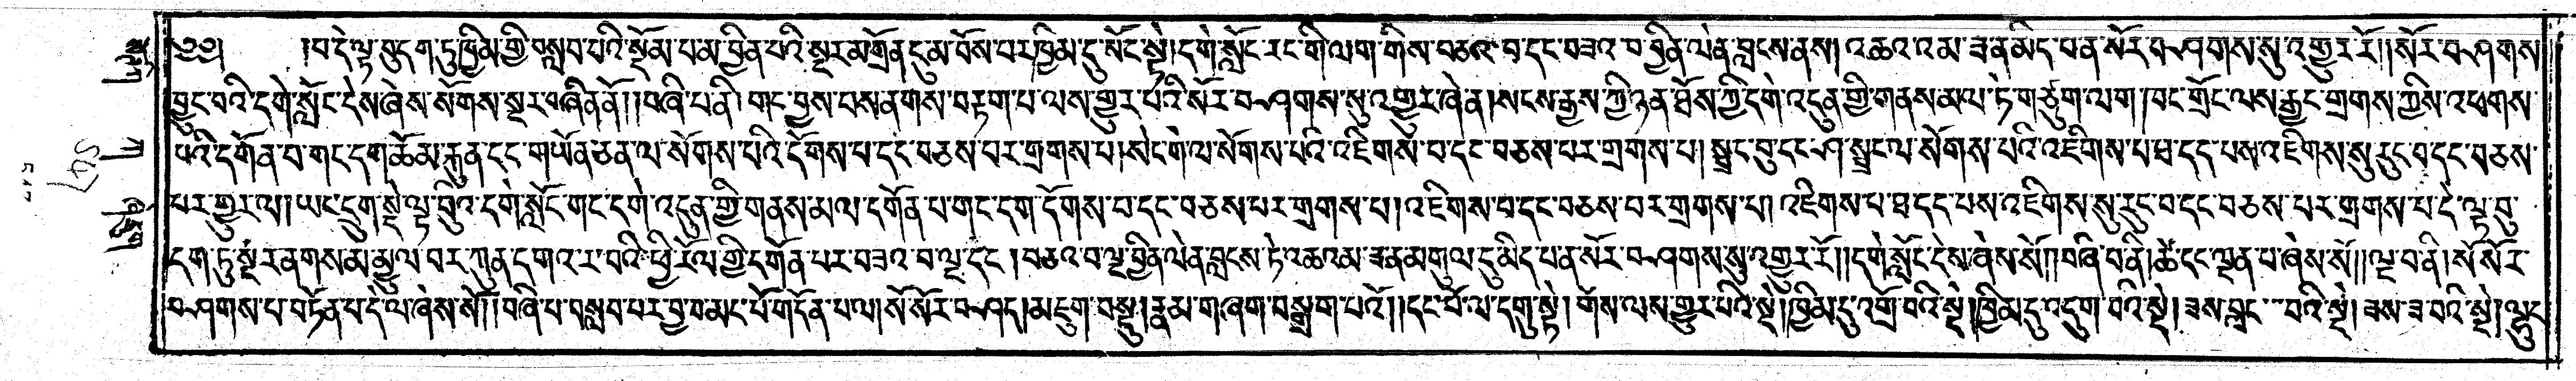༄༅། །པ་དེ་ལྟ་བུ་དག་ཏུ་ཁྱིམ་གྱི་བསླབ་པའི་སྡོམ་པ་མ་བྱིན་པའི་སྔར་མགྲོན་དུ་མ་བོས་པར་ཁྱིམ་དུ་སོང་སྟེ། དགེ་སློང་རང་གི་ལག་གིས་བཅའ་བ་དང་བཟའ་བ་བྱིན་ལེན་བླངས་ནས། འཆའ་འམ་ཟ་ན་མིད་པ་ན་སོར་བཤགས་སུ་འགྱུར་རོ། །སོར་བཤགས་
བྱུང་བའི་དགེ་སློང་དེས་ཞེས་སོགས་སྔར་བཞིན་ནོ། །བཞི་པ་ནི། གང་བྱས་པས་ནགས་བརྟག་པ་ལས་གྱུར་པའི་སོར་བཤགས་སུ་འགྱུར་ཞེ་ན། སངས་རྒྱས་ཀྱི་ཉན་ཐོས་ཀྱི་དགེ་འདུན་གྱི་གནས་མལ་ཏེ་གཙུག་ལག་ཁང་གྲོང་ལས་རྒྱང་གྲགས་ཀྱིས་འཕགས་
པའི་དགོན་བ་གང་དག་ཆོམ་རྐུན་དང་གཡོན་ཅན་ལ་སོགས་པའི་དོགས་པ་དང་བཅས་པར་གྲགས་པ། སེང་གེ་ལ་སོགས་པའི་འཇིགས་པ་དང་བཅས་པར་གྲགས་པ། སྦྲང་བུ་དང་ཤ་སྦྲང་ལ་སོགས་པའི་འཇིགས་པ་ཐ་དད་པས་འཇིགས་སུ་རུང་བ་དང་བཅས་
པར་གྱུར་ལ། ཡང་དྲུག་སྡེ་ལྟ་བུའི་དགེ་སློང་གང་དགེ་འདུན་གྱི་གནས་མལ་དགོན་པ་གང་དག་དོགས་པ་དང་བཅས་པར་གྲགས་པ། འཇིགས་པ་དང་བཅས་པར་གྲགས་པ། འཇིགས་པ་ཐ་དད་པས་འཇིགས་སུ་རུང་བ་དང་བཅས་པར་གྲགས་པ་དེ་ལྟ་བུ་
དག་ཏུ་སྔར་ནགས་མ་མྱུལ་བར་ཀུན་དགའ་ར་བའི་ཕྱི་རོལ་གྱི་དགོན་པར་བཟའ་བ་ལྔ་དང་། བཅའ་བ་ལྔ་བྱིན་ལེན་བླངས་ཏེ་འཆའམ་ཟ་ན་མགུལ་དུ་མིད་པ་ན་སོར་བཤགས་སུ་འགྱུར་རོ། །དགེ་སློང་དེས་ཞེས་སོ། །བཞི་བ་ནི། ཚེ་དང་ལྡན་པ་ཞེས་སོ། །ལྔ་བ་ནི། སོ་སོར་
བཤགས་པ་བཏོན་པ་དེ་ལ་ཞེས་སོ། །བཞི་པ་བསླབ་པར་བྱ་བ་མང་པོ་གདོན་པ་ལ། སོ་སོར་བཤད། མཇུག་བསྡུ། རྣམ་གཞག་བསྒྲག་པའོ། །དང་པོ་ལ་དགུ་སྟེ། གོས་ལས་གྱུར་པའི་སྡེ། ཁྱིམ་དུ་འགྲོ་བའི་སྡེ། ཁྱིམ་དུ་འདུག་པའི་སྡེ། ཟས་བླང་བའི་སྡེ། ཟས་ཟ་བའི་སྡེ། ལྷུང་